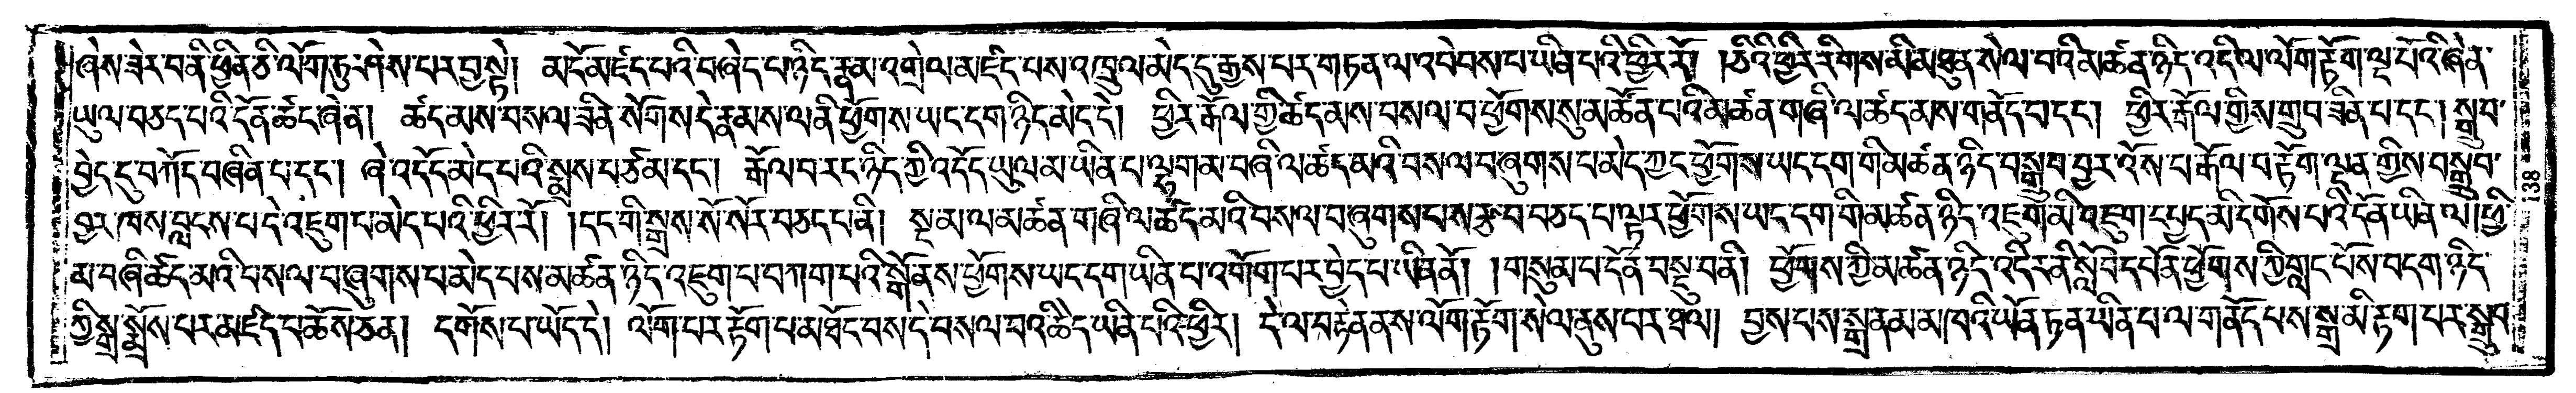ཞེས་ཟེར་བ་ནི་ཕྱིན་ཅི་ལོག་ཏུ་ཤེས་པར་བྱ་སྟེ། མདོ་མཛད་པའི་བཞེད་པ་ཉིད་རྣམ་འགྲེལ་མཛད་པས་འཁྲུལ་མེད་དུ་རྒྱས་པར་གཏན་ལ་འབེབས་པ་ཡིན་པའི་ཕྱིར་རོ། །ཅིའི་ཕྱིར་རིགས་མི་མཐུན་སེལ་བའི་མཚན་ཉིད་འདི་ལ་ལོག་རྟོག་ལྔ་པོའི་ཞེ་ན་
ཡུལ་བཅད་པའི་དོན་ཚང་ཞེ་ན། ཚད་མས་བསལ་ཟིན་སོགས་དེ་རྣམས་ལ་ནི་ཕྱོགས་ཡང་དག་ཉིད་མེད་དེ། ཕྱིར་རྒོལ་གྱི་ཚད་མས་བསལ་བ་ཕྱོགས་སུ་མཚོན་པའི་མཚན་གཞི་ལ་ཚད་མས་གནོད་པ་དང་། ཕྱིར་རྒོལ་གྱིས་གྲུབ་ཟིན་པ་དང་། སྒྲུབ་
བྱེད་དུ་བཀོད་བཞིན་པ་དང་། ཞེ་འདོད་མེད་པའི་སྨྲས་པ་ཙམ་དང་། རྒོལ་བ་རང་ཉིད་ཀྱི་འདོད་ཡུལ་མ་ཡིན་པ་ལྷག་མ་བཞི་ལ་ཚད་མའི་བསལ་བ་ཞུགས་པ་མེད་ཀྱང་ཕྱོགས་ཡང་དག་གི་མཚན་ཉིད་བསྒྲུབ་བྱར་འོས་པ་རྒོལ་བ་རྟོག་ལྡན་གྱིས་བསྒྲུབ་
བྱར་ཁས་བླངས་པ་དེ་འཇུག་པ་མེད་པའི་ཕྱིར་རོ། །དང་གི་སྒྲས་སོ་སོར་བཅད་པ་ནི། སྔ་མ་ལ་མཚན་གཞི་ལ་ཚད་མའི་བསལ་བ་ཞུགས་པས་རྩ་བ་བཅད་པ་ལྟར་ཕྱོགས་ཡང་དག་གི་མཚན་ཉིད་འཇུག་མི་འཇུག་དཔྱད་མི་དགོས་པའི་དོན་ཡིན་ལ། ཕྱི་
མ་བཞི་ཚད་མའི་བསལ་བ་ཞུགས་པ་མེད་པས་མཚན་ཉིད་འཇུག་པ་བཀག་པའི་སྒོ་ནས་ཕྱོགས་ཡང་དག་ཡིན་པ་འགོག་པར་བྱེད་པ་ཡིན་ནོ། །གསུམ་པ་དོན་བསྡུ་བ་ནི། ཕྱོགས་ཀྱི་མཚན་ཉིད་འདིར་ནི་སློབ་དཔོན་ཕྱོགས་ཀྱི་གླང་པོས་བདག་ཉིད་
ཀྱི་སྒྲ་སྨྲོས་པར་མཛད་པ་ཆོས་ཅན། དགོས་པ་ཡོད་དེ། ལོག་པར་རྟོག་པ་མཐོང་བས་དེ་བསལ་བའི་ཚེད་ཡིན་པའི་ཕྱིར། དེ་ལ་བརྟེན་ནས་ལོག་རྟོག་སེལ་ནུས་པར་ཐལ། བྱས་པས་སྒྲ་ནམ་མཁའི་ཡོན་ཏན་ཡིན་པ་ལ་གནོད་པས་སྒྲ་མི་རྟག་པར་སྒྲུབ་